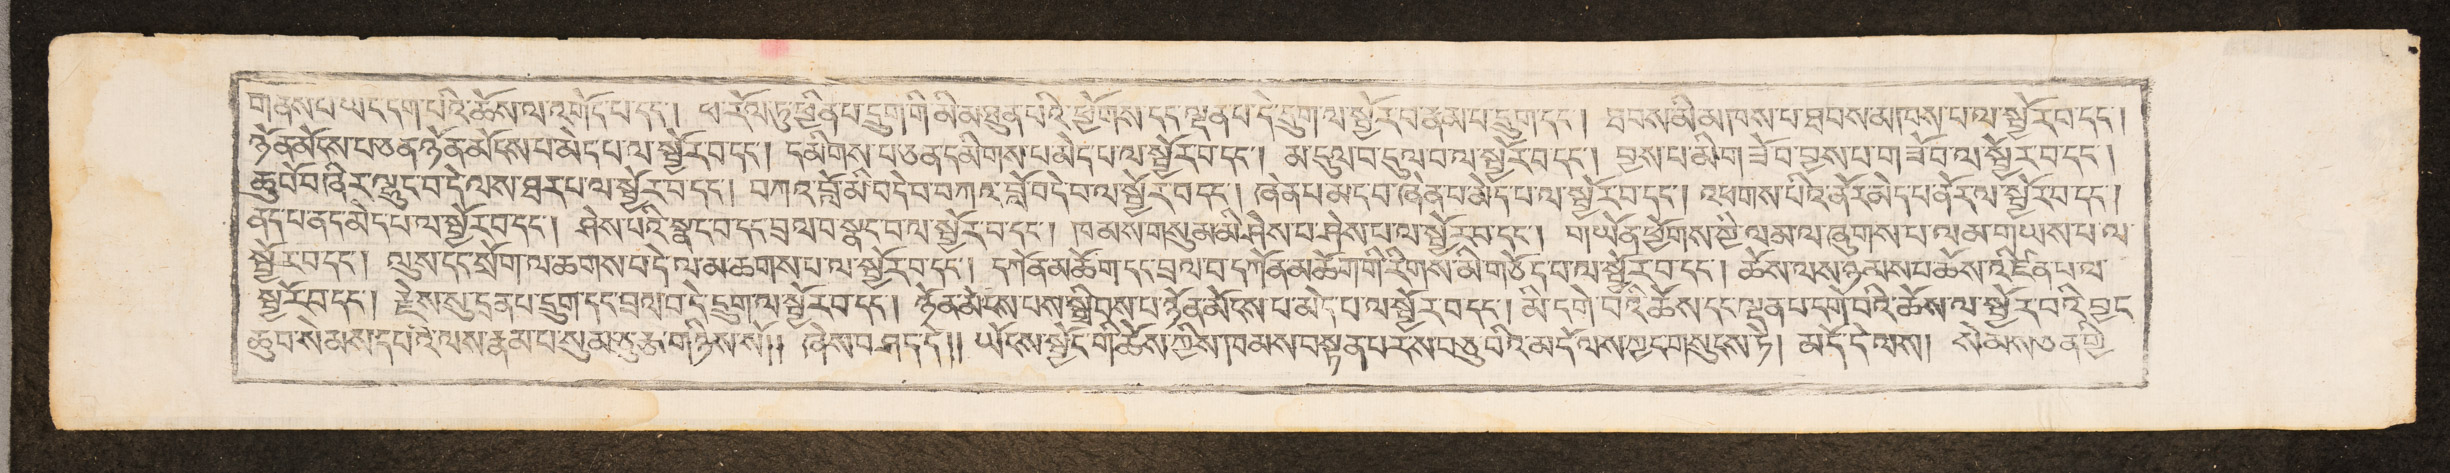གནས་པ་ཡང་དག་པའི་ཆོས་ལ་འགོད་པ་དང་། ཕ་རོལ་ཏུ་ཕྱིན་པ་དྲུག་གི་མི་མཐུན་པའི་ཕྱོགས་དང་ལྡན་པ་དེ་དྲུག་ལ་སྦྱོར་བ་རྣམ་པ་དྲུག་དང་། ཐབས་མི་མཁས་པ་ཐབས་མཁས་པ་ལ་སྦྱོར་བ་དང་།
ཉོན་མོངས་པ་ཅན་ཉོན་མོངས་པ་མེད་པ་ལ་སྦྱོར་བ་དང་། དམིགས་པ་ཅན་དམིགས་པ་མེད་པ་ལ་སྦྱོར་བ་དང་། མ་དུལ་བ་དུལ་བ་ལ་སྦྱོར་བ་དང་། བྱས་པ་མི་གཟོ་བ་བྱས་པ་གཟོ་བ་ལ་སྦྱོར་བ་དང་།
ཆུ་བོ་བཞིར་ལྷུང་བ་དེ་ལས་ཐར་པ་ལ་སྦྱོར་བ་དང་། བཀའ་བློ་མི་བདེ་བ་བཀའ་བློ་བདེ་བ་ལ་སྦྱོར་བ་དང་། ཞེན་པ་མང་བ་ཞེན་པ་མེད་པ་ལ་སྦྱོར་བ་དང་། འཕགས་པའི་ནོར་མེད་པ་ནོར་ལ་སྦྱོར་བ་དང་།
ནད་པ་ནད་མེད་པ་ལ་སྦྱོར་བ་དང་། ཤེས་པའི་སྣང་བ་དང་བྲལ་བ་སྣང་བ་ལ་སྦྱོར་བ་དང་། ཁམས་གསུམ་མི་ཤེས་པ་ཤེས་པ་ལ་སྦྱོར་བ་དང་། གཡོན་ཕྱོགས་ཀྱི་ལམ་ལ་ཞུགས་པ་ལམ་གཡས་པ་ལ་
སྦྱོར་བ་དང་། ལུས་དང་སྲོག་ལ་ཆགས་པ་དེ་ལ་མ་ཆགས་པ་ལ་སྦྱོར་བ་དང་། དཀོན་མཆོག་དང་བྲལ་བ་དཀོན་མཆོག་གི་རིགས་མི་གཅོད་པ་ལ་སྦྱོར་བ་དང་། ཆོས་ལས་ཉམས་པ་ཆོས་འཛིན་པ་ལ་
སྦྱོར་བ་དང་། རྗེས་སུ་དྲན་པ་དྲུག་དང་བྲལ་བ་དེ་དྲུག་ལ་སྦྱོར་བ་དང་། ཉོན་མོངས་པས་སྒྲིབ་པ་ཉོན་མོངས་པ་མེད་པ་ལ་སྦྱོར་བ་དང་། མི་དགེ་བའི་ཆོས་དང་ལྡན་པ་དགེ་བའི་ཆོས་ལ་སྦྱོར་བའི་བྱང་
ཆུབ་སེམས་དཔའི་ལས་རྣམ་པ་སུམ་ཅུ་རྩ་གཉིས་སོ།། ཞེས་བཤད་དེ།། ཡོངས་སྦྱོང་གི་ཆོས་ཀྱིས་ཁམས་བསྟན་པར་ས་བཅུ་བའི་མདོ་ལས་ཀྱང་གསུངས་ཏེ། མདོ་དེ་ལས། སེམས་ཅན་གྱི་